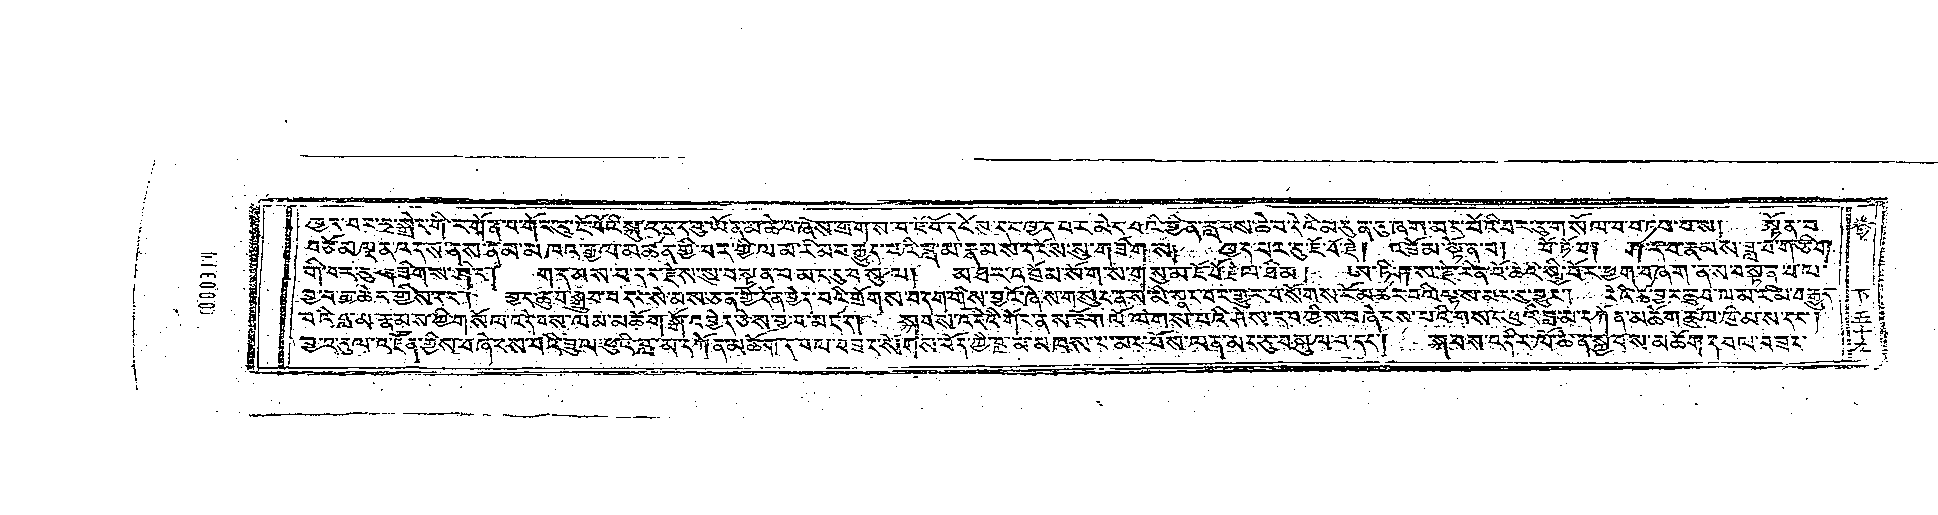ཁྱད་བར་རྭ་སྒྲེང་གི་དགོན་པ་གོང་དུ་ཇོ་བོའི་སྐུ་འདྲ་དབུ་ཡོན་མ་ཆེ་བ་ཞེས་གྲགས་པ་ཇོ་བོ་དངོས་དང་ཁྱད་པར་མེད་པའི་བྱིན་རླབས་ཆེ་བ་དེའི་མདུན་དུ་ཞག་མང་བོའི་བར་དུ་གསོལ་བ་བཏབ་པས། སྟོན་བ་
བཅོམ་ལྡན་འདས་ནས་ནམ་མཁའ་རྒྱལ་མཚན་གྱི་བར་གྱི་ལམ་རིམ་བརྒྱུད་པའི་བླ་མ་རྣམས་དངོས་སུ་གཟིགས། ཁྱད་པར་དུ་ཇོ་བོ་རྗེ། འབྲོམ་སྟོན་པ། བོ་ཏོ་བ། ཤ་རབ་རྣམས་ཟླ་བ་གཅིག་
གི་བར་དུ་གཟིགས་ཤིང་། གདམས་པ་དང་རྗེས་སུ་བསྟན་པ་མང་དུ་བསྩལ། མཐར་འབྲོམ་སོགས་གསུམ་ཇོ་བོ་རྗེ་ལ་ཐིམ། ཨ་ཏི་ཤས་རྗེ་རིན་པོ་ཆེའི་སྤྱི་བོར་ཕྱག་བཞག་ནས་བསྟན་པ་ལ་
བྱ་བ་རྒྱ་ཆེད་གྱིས་དང་། བྱང་ཆུབ་སྒྲུབ་པ་དང་སེམས་ཅན་གྱི་དོན་བྱེད་བའི་གྲོགས་བདག་གིས་བྱའོ་ཞེས་གསུང་ནས་མི་སྣང་བར་གྱུར་པ་སོགས་ངོ་མཚར་བའི་ལྟས་མང་དུ་བྱུང་། དེའི་ཚེ་བྱང་ཆུབ་ལམ་རིམ་བརྒྱུད་
བའི་བླ་མ་རྣམས་ཀྱི་གསོལ་འདེབས་ལམ་མཆོག་སྒོ་འབྱེད་ཅེས་བྱ་བ་མཛད། སྐབས་འདིའི་གོང་ནས་རྡོག་ལོ་ལེགས་པའི་ཤེས་རབ་ཀྱིས་བཞེངས་པའི་གསང་ཕུའི་བླ་མ་དཀོན་མཆོག་ཚུལ་ཁྲིམས་དང་།
ཁྱ་འདུལ་འཛིན་གྱིས་བཞེངས་པའི་ཟུལ་ཕུའི་བླ་མ་དཀོན་མཆོག་དཔལ་བཟང་སོགས་བོད་ཀྱི་བླ་མ་མཁས་པ་མང་པོས་ལན་མང་དུ་བསྐུལ་བ་དང་། སྐབས་འདིར་ལོ་ཆེན་སྐྱབས་མཆོག་དཔལ་བ་བྲང་